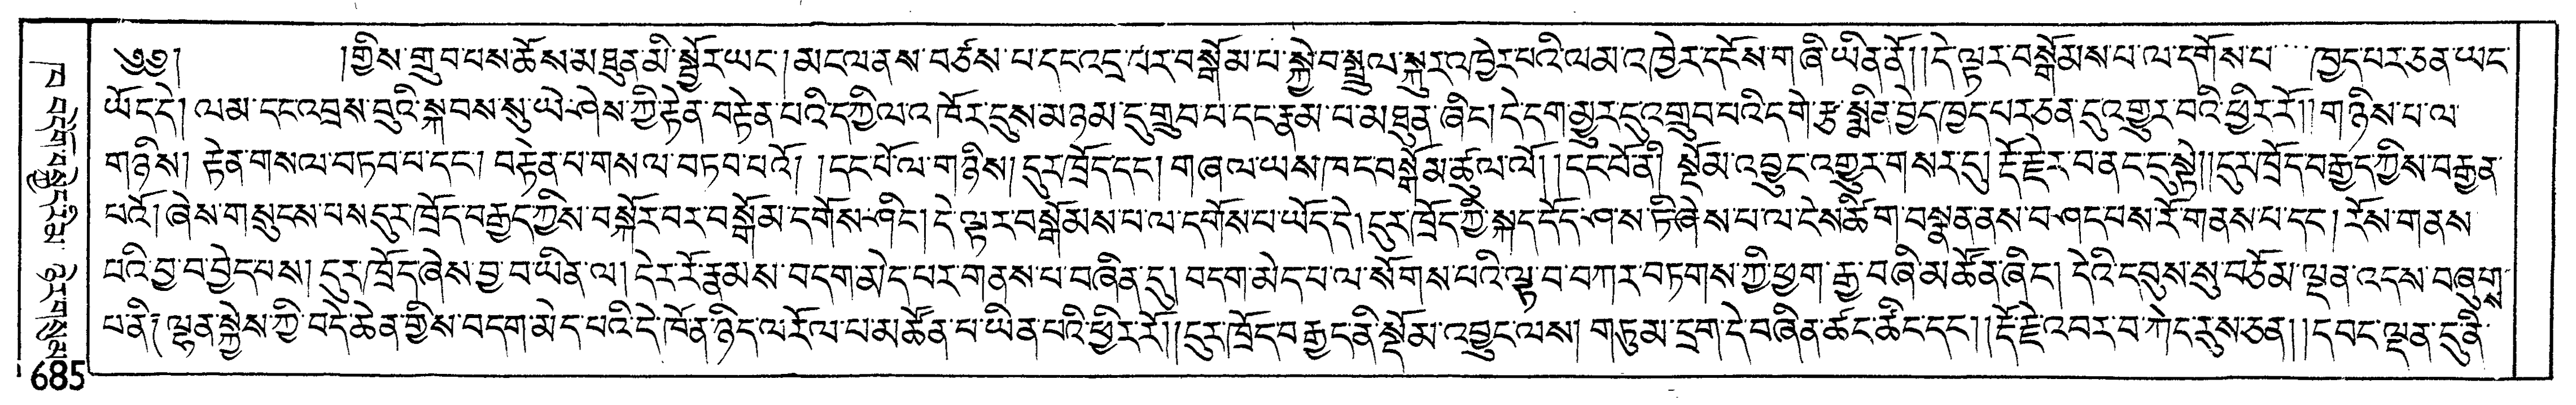༄༅། །གྱིས་གྲུབ་པས་ཆོས་མཐུན་མི་སྦྱོར་ཡང་། མངལ་ནས་བཙས་པ་དང་འདྲ་བར་བསྒོམ་པ་སྐྱེ་བ་སྤྲུལ་སྐུར་འཁྱེར་བའི་ལམ་འཁྱེར་དངོས་གཞི་ཡིན་ནོ། །དེ་ལྟར་བསྒོམས་པ་ལ་དགོས་པ་ཁྱད་པར་ཅན་ཡང་
ཡོད་དེ། ལམ་དང་འབྲས་བུའི་སྐབས་སུ་ཡེ་ཤེས་ཀྱི་རྟེན་བརྟེན་པའི་དཀྱིལ་འཁོར་དུས་མཉམ་དུ་གྲུབ་པ་དང་རྣམ་པ་མཐུན་ཞིང་། དེ་དག་མྱུར་དུ་འགྲུབ་པའི་དགེ་རྩ་སྨིན་བྱེད་ཁྱད་པར་ཅན་དུ་འགྱུར་བའི་ཕྱིར་རོ། །གཉིས་པ་ལ་
གཉིས། རྟེན་གསལ་བཏབ་པ་དང་། བརྟེན་པ་གསལ་བཏབ་པའོ། །དང་པོ་ལ་གཉིས། དུར་ཁྲོད་དང་། གཞལ་ཡས་ཁང་བསྒོམ་ཚུལ་ལོ། །དང་པོ་ནི། སྡོམ་འབྱུང་འགྱུར་གསར་དུ། རྡོ་རྗེ་ར་བ་ནང་དུ་སྟེ། །དུར་ཁྲོད་བརྒྱད་ཀྱིས་བརྒྱན་
པའོ། ཞེས་གསུངས་པས་དུར་ཁྲོད་བརྒྱད་ཀྱིས་བསྐོར་བར་བསྒོམ་དགོས་ཤིང་། དེ་ལྟར་བསྒོམས་པ་ལ་དགོས་པ་ཡོད་དེ། དུར་ཁྲོད་ཀྱི་སྐད་དོད་ཤ་ས་ཏི་ཞེས་པ་ལ་ངེས་ཚིག་བསྣན་ནས་བཤད་པས་རོ་གནས་པ་དང་། རོས་གནས་
པའི་བྱ་བ་བྱེད་པས། དུར་ཁྲོད་ཞེས་བྱ་བ་ཡིན་ལ། དེར་རོ་རྣམས་བདག་མེད་པར་གནས་པ་བཞིན་དུ། བདག་མེད་པ་ལ་སོགས་པའི་ལྟ་བ་བཀར་བཏགས་ཀྱི་ཕྱག་རྒྱ་བཞི་མཚོན་ཞིང་། དེའི་དབུས་སུ་བཅོམ་ལྡན་འདས་བཞུགས་
པ་ནི༑ ལྷན་སྐྱེས་ཀྱི་བདེ་ཆེན་གྱིས་བདག་མེད་པའི་དེ་ཁོ་ན་ཉིད་ལ་རོལ་པ་མཚོན་པ་ཡིན་པའི་ཕྱིར་རོ། །དུར་ཁྲོད་བརྒྱད་ནི་སྡོམ་འབྱུང་ལས། གཏུམ་དྲག་དེ་བཞིན་ཚང་ཚིང་དང་། །རྡོ་རྗེ་འབར་བ་ཀེང་རུས་ཅན། །དབང་ལྡན་དུ་ནི་